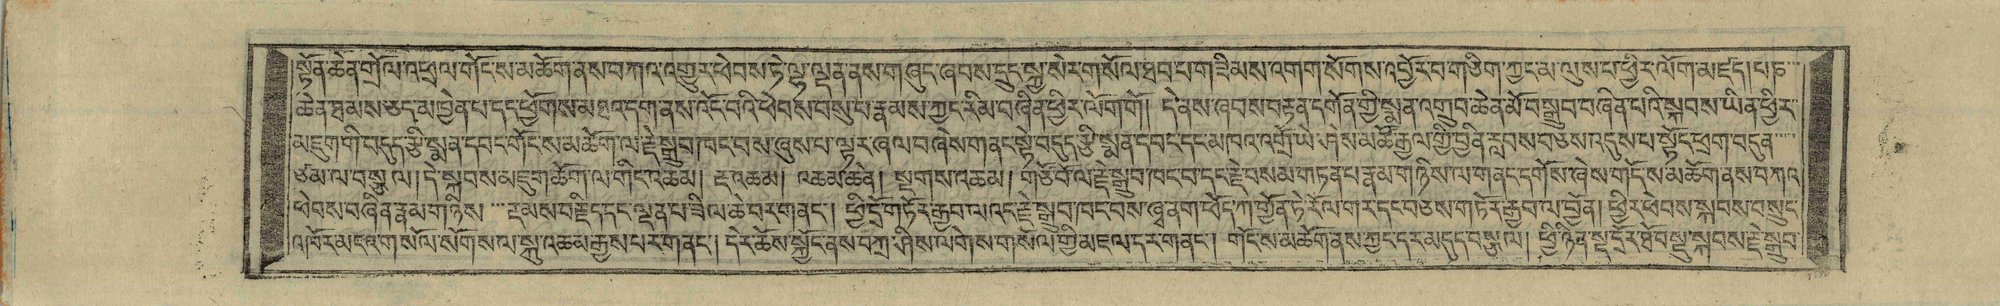སྟོན་ཆེན་གྲོལ་འཕྲལ་གོང་ས་མཆོག་ནས་བཀའ་འགྱུར་ཕེབས་ཏེ་ལྷ་ལྡན་ནས་གཞུང་ཞབས་དྲུང་སྐྱ་སེར་གསོལ་ཐབ་པ་གཟིམས་འགག་སོགས་འབྱོར་བ་གཅིག་ཀྱང་མ་ལུས་པ་ཕྱིར་ལོག་མཛད། པཎ་
ཆེན་ཐམས་ཅད་མཁྱེན་པ་དང་ཕྱོགས་མཐའ་དག་ནས་འོང་བའི་ཕེབས་བསུ་པ་རྣམས་ཀྱང་རིམ་བཞིན་ཕྱིར་ལོག་གོ །དེ་ནས་ཞབས་བརྟན་དགོན་གྱི་སྨན་འགྲུབ་ཆེན་མོ་བསྒྲུབ་བཞིན་པའི་སྐབས་ཡིན་ཕྱིར་
མཇུག་གི་བདུད་རྩི་སྨན་དབང་གོང་ས་མཆོག་ལ་རྗེ་སྒྲུབ་ཁང་བས་ཞུས་པ་ལྟར་ཞལ་བཞེས་གནང་སྟེ་བདུད་རྩི་སྨན་དབང་དང་མཁའ་འགྲོ་ཡེ་ཤེས་མཚོ་རྒྱལ་གྱི་བྱིན་རླབས་བཅས་འདུས་པ་སྟོང་ཕྲག་བདུན་
ཙམ་ལ་བསྩལ། དེ་སྐབས་མཇུག་ཆོག་ལ་གིང་འཆམ། རྔ་འཆམ། འཆམ་ཆེན། སྔགས་འཆམ། གཙོ་བོ་ལ་རྗེ་སྒྲུབ་ཁང་བ་དང་རྗེ་བསམ་གཏན་པ་རྣམ་གཉིས་ལ་གནང་དགོས་ཞེས་གོང་ས་མཆོག་ནས་བཀའ་
ཕེབས་བཞིན་རྣམ་གཉིས་རྡམས་བརྗིད་དང་ལྡན་པ་ཟིལ་ཆེ་བར་གནང་། ཕྱི་དྲོ་གཏོར་རྒྱབ་ལའང་རྗེ་སྒྲུབ་ཁང་བས་ཞྭ་ནག་ཕོད་ཀ་གྱོན་ཏེ་རོལ་གར་དང་བཅས་གཏོར་རྒྱབ་ལ་བྱོན། ཕྱིར་ཕེབས་སྐབས་བསྲུང་
འཁོར་མངའ་གསོལ་སོགས་ལ་སྐུ་འཆམ་རྒྱས་པར་གནང་། དེར་ཆོས་སྐྱོང་ནས་བཀྲ་ཤིས་ལེགས་གསོལ་གྱི་མཇལ་དར་གནང་། གོང་ས་མཆོག་ནས་ཀྱང་དར་མདུད་བསྩལ། ཕྱི་ཉིན་སྔ་དྲོར་ཐོ་བསྡུ་སྐབས་རྗེ་སྒྲུབ་